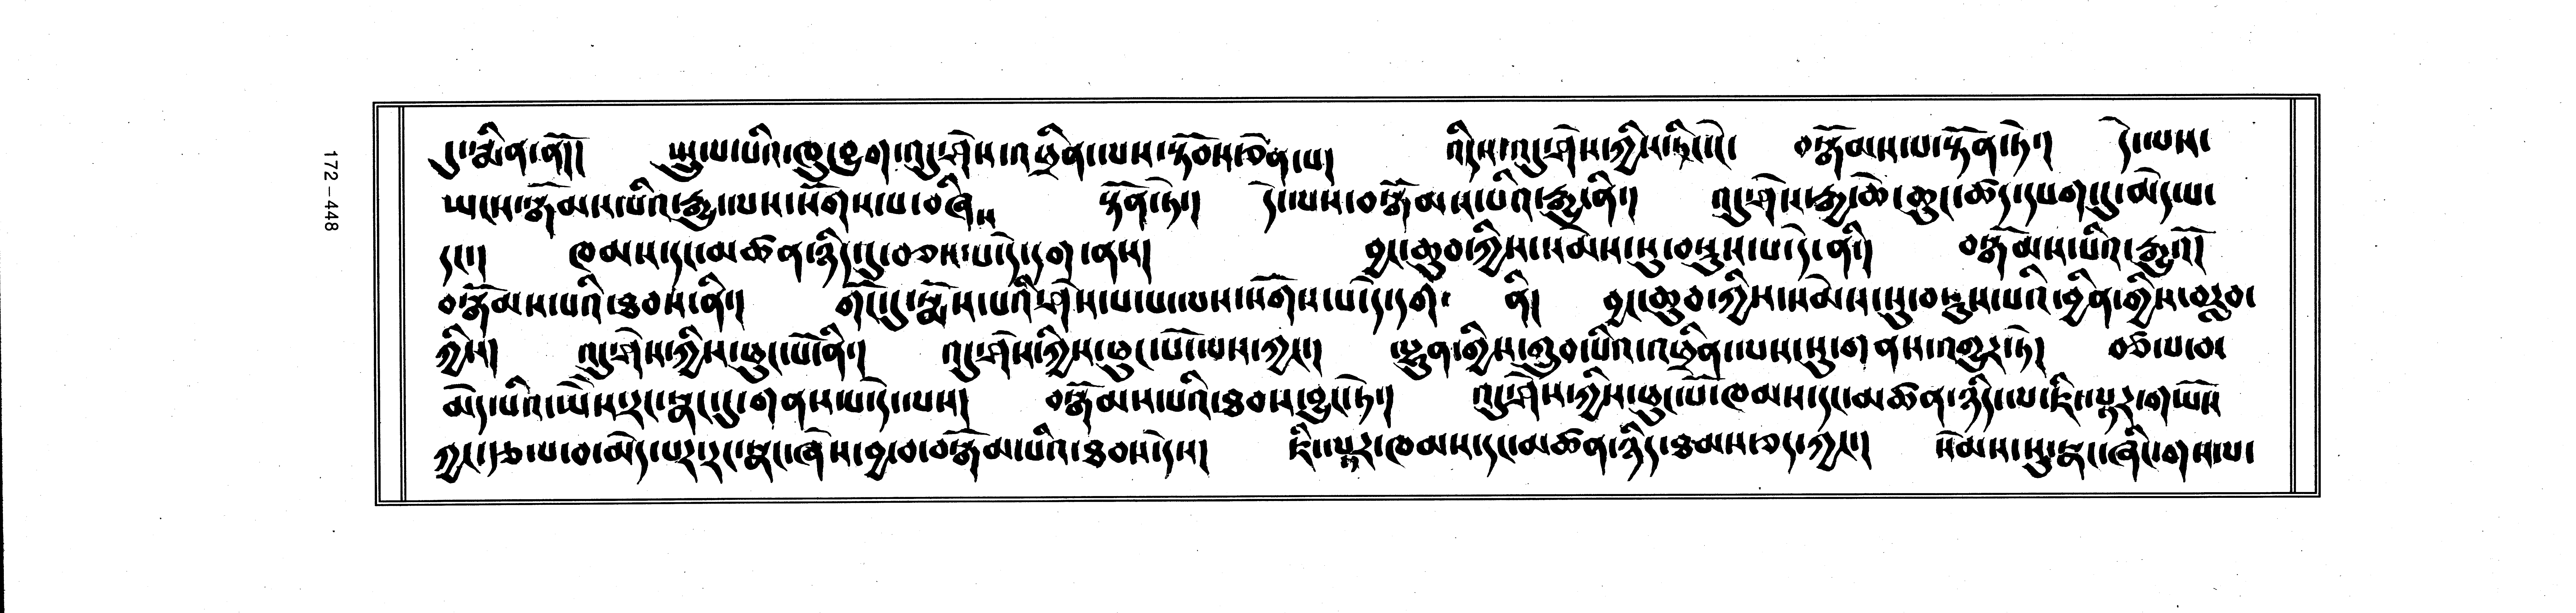དུ་སྨིན་ནོ། སྤྲུལ་པའི་ཁུ་བྱུག་འདུ་ཤེས་འཕྲིན་ལས་སྟོབས་ཅེས་པ། འདིས་འདུ་ཤེས་ཀྱིས་ཏིང་ངེ་བསྒོམས་པ་སྟོན་ཏེ། དེ་ལས་
ཡང་སྒོམས་པའི་རྒྱུ་ལས་སོགས་པ་བཞི་སྟོན་ཏེ། དེ་ལས་བསྒོམས་པའི་རྒྱུན་ནི། འདུ་ཤེས་རྒྱ་ཆེ་ཆུང་ཚད་དཔག་དུ་མེད་པ་
དང་། ཁམས་དང་མཚན་ཉིད་དུ་བཅས་པ་དེ་དག་ནས། བྱང་ཆུབ་ཀྱིས་སེམས་སུ་བསྡུས་པ་དེ་ནི། བསྒོམས་པའི་རྒྱུའོ། 
བསྒོམས་པའི་ཐབས་ནི། གོང་དུ་སྨོས་པའི་ཤེས་པ་ལས་སོགས་པ་དེ་དག་ནི། བྱང་ཆུབ་ཀྱིས་སེམས་སུ་བརྡུས་པའི་བྱིན་གྱིས་བརླབ་
ཀྱིས། འདུ་ཤེས་ཀྱིས་ཕུང་པོ་ནི། འདུ་ཤེས་ཀྱིས་ཕུང་པོ་ལས་ཀྱང་། ལྷུན་གྱིས་གྲུབ་པའི་འཕྲིན་ལས་སུ་གནས་འགྱུར་ཏེ། བཙལ་བ་
མེད་པའི་ཡེ་ཤེས་རང་སྣང་དུ་གནས་པ་དེ་ལས། བསྒོམས་པའི་ཐབས་བྱུང་ཏེ། འདུ་ཤེས་ཀྱིས་ཕུང་པོ་ཁམས་དང་མཚན་ཉིད་ལ་ཇི་ལྟར་གཡོས་
ཀྱང་རྩལ་བ་མེད་པར་རང་སྣང་ཞེས་བྱ་བ་བསྒོམས་པའི་ཐབས་དེས། ཇི་ལྟར་ཁམས་དང་མཚན་ཉིད་ཐམས་ཅད་ཀྱང་། སེམས་སུ་སྣང་ཞིང་གསལ་བ་ལས།